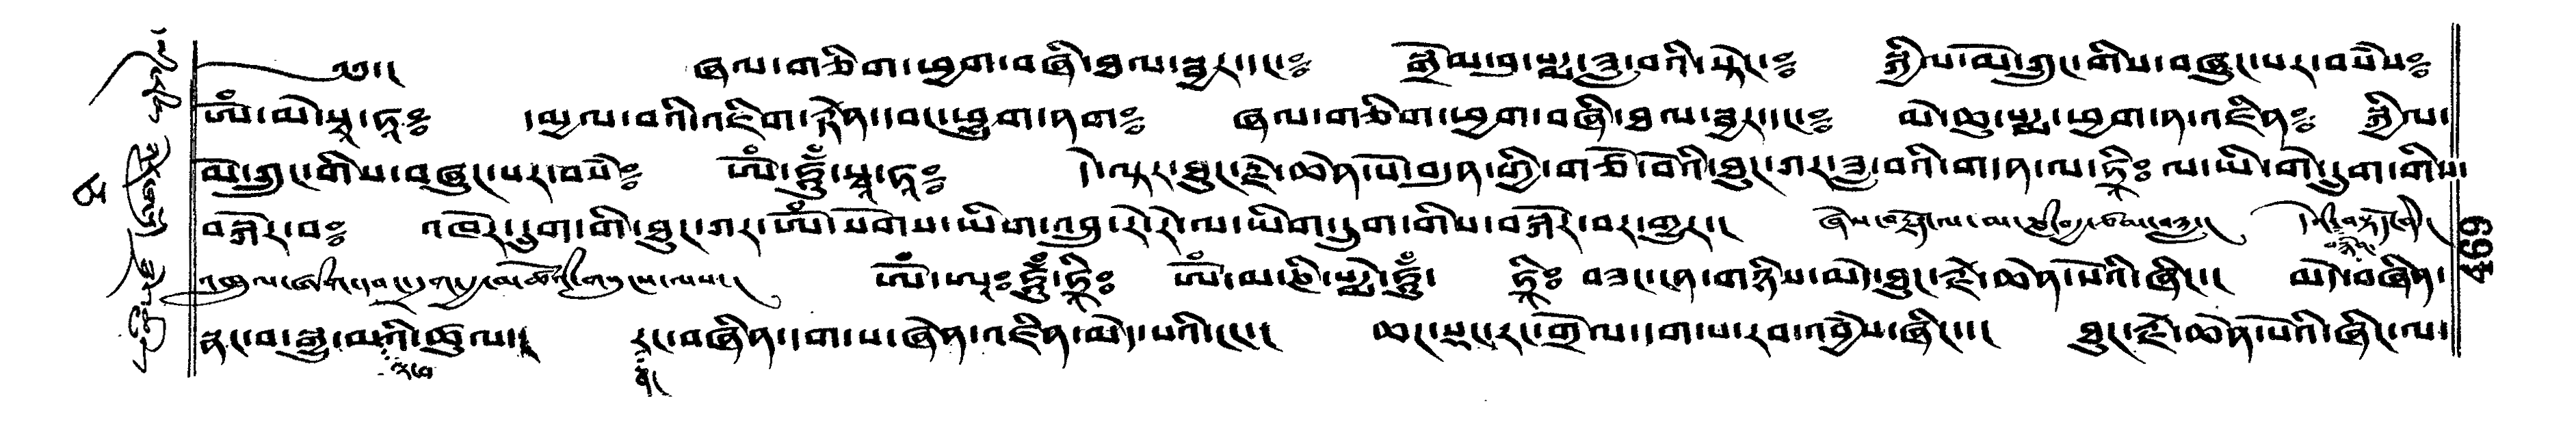ཞལ་གཅིག་ཕྱག་བཞི་ཐལ་སྦྱར་དང༔ སྒྲོམ་བུ་པདྨ་ཟླ་བའི་སྟེང༔ སྐྱིལ་མོ་ཀྲུང་གིས་བཞུགས་པར་བསམས༔ 
ཨོཾ་མེ་སྭ་ཧཱ༔ དམྱལ་བའི་འཇིག་རྟེན་དབང་ཕྱུག་ནག༔ ཞལ་གཅིག་ཕྱག་བཞི་ཐལ་སྦྱར་དང༔ མེ་ཆུ་པདྨ་ཕྱག་ན་འཛིན༔ སྐྱིལ་
མོ་ཀྲུང་གིས་བཞུགས་པར་བསམ༔ ཨོཾ་ཧཱུྃ་སྭ་ཧཱ༔ དེ་ལྟར་ཐུགས་རྗེ་ཆེན་པོ་བདུན་གྱི་གཙོ་བོའི་ཐུགས་ཀར་ཟླ་བའི་གདན་ལ་ཧྲཱིཿལ་ཡི་གེ་དྲུག་གིས་
བསྐོར་བ༔ འཁོར་དྲུག་གི་ཐུགས་ཀར་ཨོཾ་སོགས་ཡིག་འབྲུ་རེ་རེ་ལ་ཡིག་དྲུག་གིས་བསྐོར་བར་གྱུར༔ ཅེས་བརྗོད་ལ་མ་ཎི་བརྒྱ་ཙམ་བཟླ། དེའི་བསྙེན་བསྟོད་ནི། 
འཁྲུལ་ཞིག་དབང་དྲག་རྒྱ་མཚོའི་གསུང་ལས། ཨོཾ་ཨཱཿཧཱུྃ་ཧྲཱིཿ ཨོཾ་མ་ཎི་པདྨེ་ཧཱུྃ། ཧྲཱིཿ བཟང་ངན་གཉིས་མེད་ཐུགས་རྗེ་ཆེན་པོའི་ཞིང་། །མེད་བཞིན་
སྣང་བ་སྒྱུ་མ་ལྟ་བའི་ཚུལ། །སྣང་བཞིན་དག་པ་ཞེན་འཛིན་མེད་པའི་ངང་། །ཆགས་སྡང་རང་གྲོལ་དག་པ་རབ་འབྱམས་ཞིང་། །ཐུགས་རྗེ་ཆེན་པོའི་ཞིང་ལ་